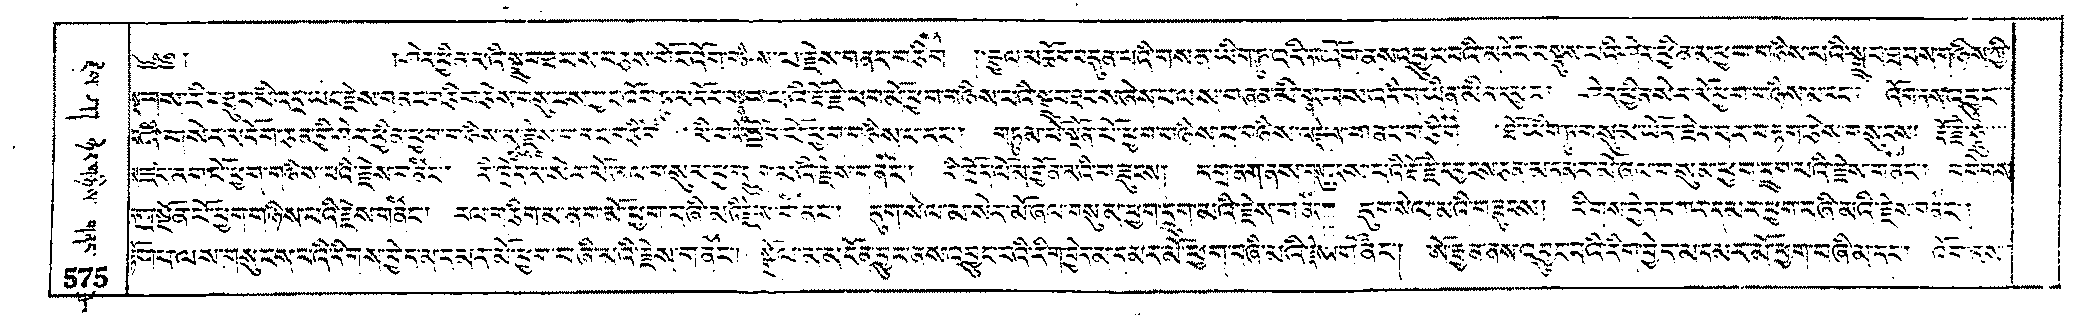༄༅། །ཤེར་ཕྱིན་མའི་སྒྲུབ་ཐབས་བཅས་གོང་འོག་གཉིས་ལ་རྗེས་གནང་གཅིག །རྒྱལ་མཆོག་བདུན་པའི་གསན་ཡིག་ཏུ་འདི་དང་འོག་ནས་འབྱུང་བའི་མདོར་བསྡུས་པའི་ཤེར་ཕྱིན་མ་ཕྱག་གཉིས་པའི་སྒྲུབ་ཐབས་གཉིས་ཀྱི་
སྔགས་རིང་ཐུང་མི་འདྲ་ཡང་རྗེས་གནང་གཅིག་ཅེས་གསུངས་ཀྱང་འོག་ཏུ་མདོར་བསྡུས་པའི་རྡོ་རྗེ་ཕག་མོ་ཕྱག་གཉིས་པའི་སྒྲུབ་ཐབས་ཞེས་པ་ལས་གཞན་མི་སྣང་བས་འདི་ག་ཡིན་མིན་དཔྱད། ཤེར་ཕྱིན་སེར་མོ་ཕྱག་གཉིས་མ་དང་། འོག་ནས་འབྱུང་
བའི་གསེར་མདོག་ཅན་གྱི་ཤེར་ཕྱིན་ཕྱག་གཉིས་མ་གཉིས་ལ་རྗེས་གནང་གཅིག །མི་གཡོ་སྔོན་པོ་ཕྱག་གཉིས་པ་དང་། གཏུམ་པོ་སྔོན་པོ་ཕྱག་གཉིས་པ་གཉིས་ལ་རྗེས་གནང་གཅིག །ཐོ་ཡིག་ཏུ་གསུམ་ཡོད་ཟེར་བར་བརྟག་ཅེས་གསུངས། རྡོ་རྗེ་ཧཱུཾ་
མཛད་ནག་པོ་ཕྱག་གཉིས་པའི་རྗེས་གནང་། རི་ཁྲོད་མ་སེར་མོ་ཞལ་གསུམ་ཕྱག་དྲུག་མའི་རྗེས་གནང་། རི་ཁྲོད་ལོ་མ་གྱོན་མའི་གཟུངས། དགྲ་ནག་ནས་གསུངས་པའི་རྡོ་རྗེ་དབྱངས་ཅན་མ་དམར་མོ་ཞལ་གསུམ་ཕྱག་དྲུག་མའི་རྗེས་གནང་། བགེགས་
དགྲ་སྔོན་པོ་ཕྱག་གཉིས་པའི་རྗེས་གནང་། རལ་གཅིག་མ་ནག་མོ་ཕྱག་བཞི་མའི་རྗེས་གནང་། དུག་སེལ་མ་སེར་མོ་ཞལ་གསུམ་ཕྱག་དྲུག་མའི་རྗེས་གནང་། དུག་སེལ་མའི་གཟུངས། རིགས་བྱེད་དཀར་དམར་ཕྱག་བཞི་མའི་རྗེས་གནང་།
རྟོག་པ་ལས་གསུངས་པའི་རིགས་བྱེད་མ་དམར་མོ་ཕྱག་བཞི་མའི་རྗེས་གནང་། སྒྲོལ་མ་མངོན་བྱུང་ནས་འབྱུང་བའི་རིག་བྱེད་མ་དམར་མོ་ཕྱག་བཞི་མའི་རྗེས་གནང་། ཨོ་རྒྱན་ནས་འབྱུང་བའི་རིག་བྱེད་མ་དམར་མོ་ཕྱག་བཞི་མ་དང་། འོག་ནས་